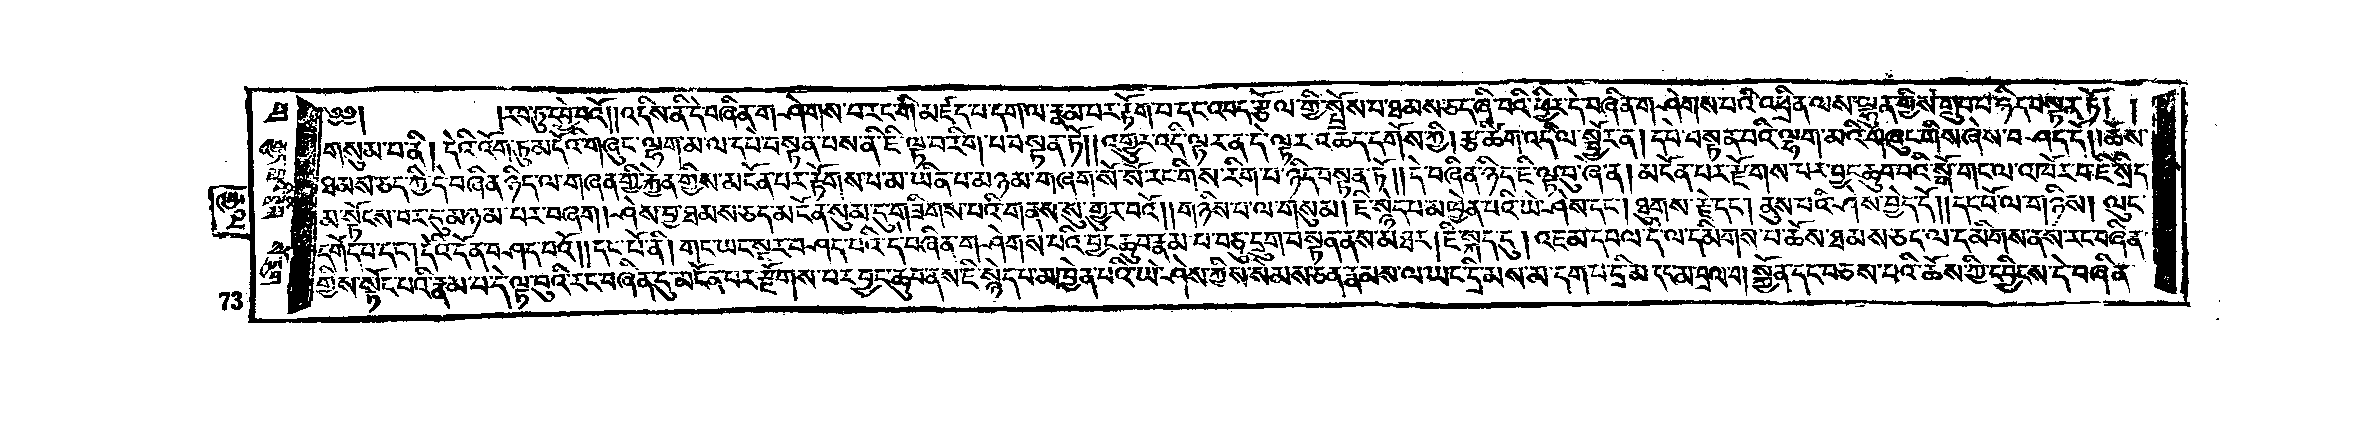༄༅། །རབ་ཏུ་དབྱེ་བའོ། །འདིས་ནི་དེ་བཞིན་གཤེགས་པ་རང་གི་མཛད་པ་དག་ལ་རྣམ་པར་རྟོག་པ་དང་འབད་རྩོལ་གྱི་སྤྲོས་པ་ཐམས་ཅད་ཞི་བའི་ཕྱིར་དེ་བཞིན་གཤེགས་པའི་འཕྲིན་ལས་ལྷུན་གྱིས་གྲུབ་པ་ཉིད་བསྟན་ཏོ། །
གསུམ་པ་ནི། དེའི་འོག་ཏུ་མདོའི་གཞུང་ལྷག་མ་ལ་དཔེ་བསྟན་པས་ནི་ཇི་ལྟ་བ་རིག་པ་བསྟན་ཏོ། །འགྱུར་འདི་ལྟར་ན་དེ་ལྟར་འཆད་དགོས་ཀྱི། རྩ་ཚིག་འདི་ལ་སྦྱོར་ན། དཔེ་བསྟན་པའི་ལྷག་མའི་གཞུང་གིས་ཞེས་བཤད་དོ། །ཆོས་
ཐམས་ཅད་ཀྱི་དེ་བཞིན་ཉིད་ལ་གཞན་གྱི་རྐྱེན་གྱིས་མངོན་པར་རྟོགས་པ་མ་ཡིན་པ་མཉམ་གཞག་སོ་སོ་རང་གིས་རིག་པ་ཉིད་བསྟན་ཏོ། །དེ་བཞིན་ཉིད་ཇི་ལྟ་བུ་ཞེ་ན། མངོན་པར་རྫོགས་པར་བྱང་ཆུབ་པའི་སྒོ་གང་ལ་འཁོར་བ་ཇི་སྲིད་
མ་སྟོངས་པར་དུ་མཉམ་པར་བཞག །ཤེས་བྱ་ཐམས་ཅད་མངོན་སུམ་དུ་གཟིགས་པའི་གནས་སུ་གྱུར་པའོ། །གཉིས་པ་ལ་གསུམ། ཇི་སྙེད་པ་མཁྱེན་པའི་ཡེ་ཤེས་དང་། ཐུགས་རྗེ་དང་། ནུས་པའི་ཤེས་བྱེད་དོ། །དང་པོ་ལ་གཉིས། ལུང་
དགོད་པ་དང་། དེའི་དོན་བཤད་པའོ། །དང་པོ་ནི། གང་ཡང་སྔར་བཤད་པའི་དེ་བཞིན་གཤེགས་པའི་བྱང་ཆུབ་རྣམ་པ་བཅུ་དྲུག་བསྟན་ནས་མཐར། ཇི་སྐད་དུ། འཇམ་དཔལ་དེ་ལ་དམིགས་པ་ཆོས་ཐམས་ཅད་ལ་དམིགས་ནས་རང་བཞིན་
གྱིས་སྟོང་པའི་རྣམ་པ་དེ་ལྟ་བུའི་རང་བཞིན་དུ་མངོན་པར་རྫོགས་པར་བྱང་ཆུབ་ནས་ཇི་སྙེད་པ་མཁྱེན་པའི་ཡེ་ཤེས་ཀྱིས་སེམས་ཅན་རྣམས་ལ་ཡང་དྲི་མས་མས་མ་དག་པ་དྲི་མ་དང་མ་བྲལ་བ། སྐྱོན་དང་བཅས་པའི་ཆོས་ཀྱི་དབྱིངས་དེ་བཞིན་